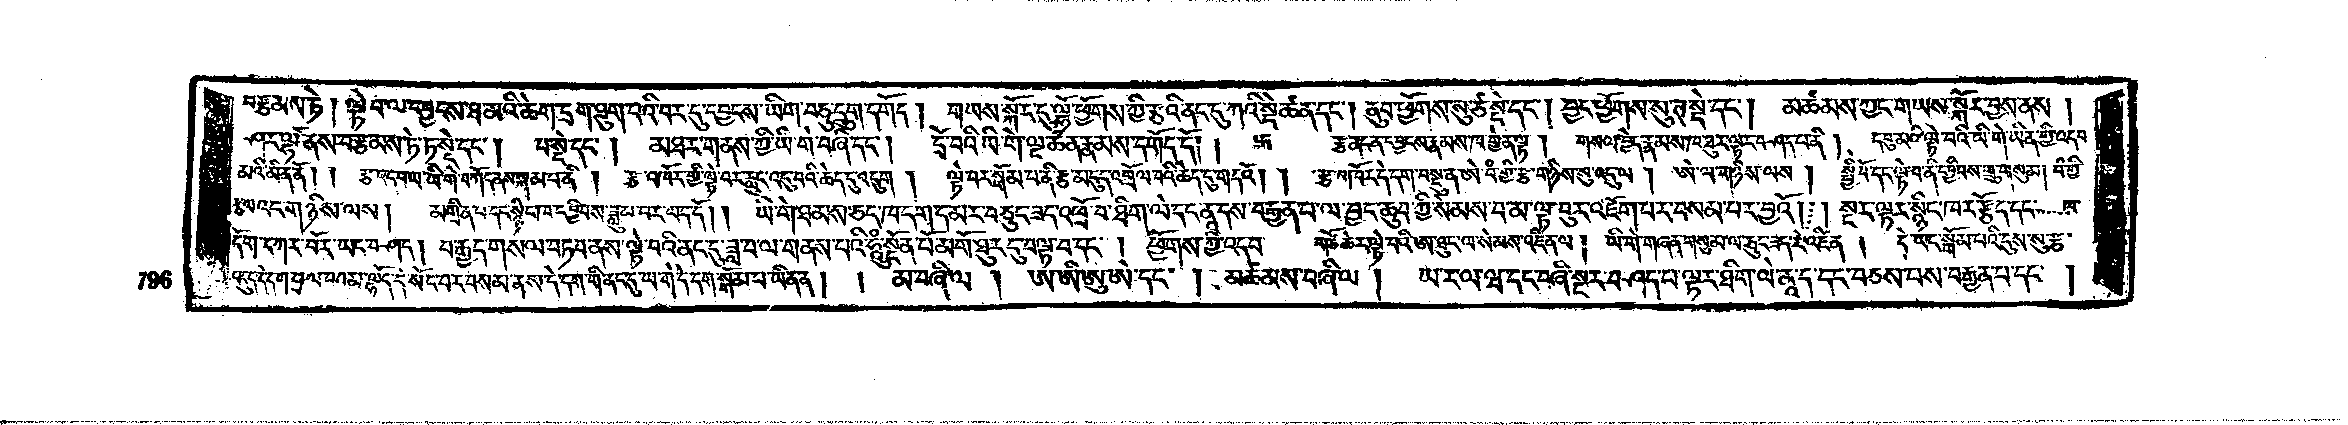བརྩམས་ཏེ། ལྟ་བ་ལ་དབྱངས་ཐ་མའི་ཆེག་དྲག་ཐུག་པའི་བར་དུ་དབྱངས་ཡིག་བཅུ་དྲུག་དགོད། གཡས་སྐོར་དུ་ལྷོ་ཕྱོགས་ཀྱི་རྩའི་ནང་དུ་ཀའི་སྡེ་ཚན་དང་། ནུབ་ཕྱོགས་སུ་ཙ་སྡེ་དང་། བྱང་ཕྱོགས་སུ་ཊ་སྡེ་དང་། མཚམས་ཀྱང་གཡས་སྒོར་བྱས་ནས།
ཤར་ལྷོ་ནས་བརྩམས་ཏེ་ཏ་སྡེ་དང་། པ་སྡེ་དང་། མཐར་གནས་ཀྱི་ཡི་གེ་བཞི་དང་། དྲོ་བའི་ཡི་གེ་ལྔ་ཚན་རྣམས་དགོད་དོ། རྩ་ནང་ན་དབྱངས་རྣམས་ཁ་གྱེན་ལྟ། གསལ་བྱེད་རྣམས་ཁ་ཐུར་ལྟར་བཤད་པ་ནི། དབུ་མའི་ལྟེ་བའི་ཡི་གེ་ཡིན་གྱི་འདབ་
མའི་མིན་ནོ། །རྩ་འདབ་ལ་ཡི་གེ་བཀོད་ནས་སྒོམ་པ་ནི། རྩ་འཁོར་གྱི་ལྟེ་བར་རླུང་འདུ་བའི་ཆེད་དུ་འདུག །ལྟེ་བར་སྒོམ་པ་ནི་རྩ་མདུད་འགྲོལ་བའི་ཆེད་དུ་གདའོ། །རྩ་འཁོར་དེ་དག་བསྡུ་ན་ཨེ་བཾ་གྱི་རྩ་གཉིས་སུ་འདུ་ལ། ཨེ་ལ་གཉིས་ལས། སྤྱི་བོ་དང་ལྟེ་བ་ནི་དབྱིབས་གྲུ་གསུམ། བཾ་གྱི་
རྩལ་ལའང་གཉིས་ལས། མགྲིན་པ་དང་སྙིང་ཁ་དབྱིབས་ཟླུམ་པར་ཡོད་དོ། །ཡི་གེ་ཐམས་ཅད་ཁ་དག་དམར་བཅུང་ཟད་འཕྲོ་བ་ཐིག་ལེ་དང་ནཱ་དས་བརྒྱན་པ་ལ་བྱང་ཆུབ་ཀྱི་སེམས་པ་མ་ལྟ་བུར་འཇོག་པར་བསམ་པར་བྱའོ། །སྔར་ལྟར་སྙིང་ཁར་རྩོད་དང་ཁ་
དོག་དཀར་པོར་ཡང་བཤད། བ་རྒྱད་གསལ་བཏབ་ནས་ལྟེ་བའི་ནང་དུ་ཟླ་བ་ལ་གནས་པའི་ཧཱུཾ་སྔོན་པོ་མགོ་ཐུར་དུ་བལྟ་བ་དང་། ཕྱོགས་ཀྱི་འདབ་གཙོ་ཆེར་ལྟེ་བའི་ཨ་ཐུང་ལ་སེམས་འཛིན་ལ། ཡི་གེ་གཞན་གསུམ་ལ་ཅུང་ཟད་རེ་འཛིན། དེ་ཡང་སྒོམ་པའི་དུས་སུ་རྩ་
མདུད་དེ་དག་གལ་བའམ་ལྷོད་དེ་སོང་བར་བསམ་ནས་དེ་དག་གི་ནང་དུ་ཡ་གེ་དེ་དག་སྒོམ་པ་ཡིན་ན། །མ་བཞི་ལ། ཨ་ཨི་ཨུ་ཨེ་དང་། མཚམས་བཞི་ལ། ཡ་ར་ལ་ཝ་དང་བཞི་སྔར་བཤད་པ་ལྟར་ཐིག་ལེ་ནཱ་ད་དང་བཅས་པས་བརྒྱན་པ་དང་།